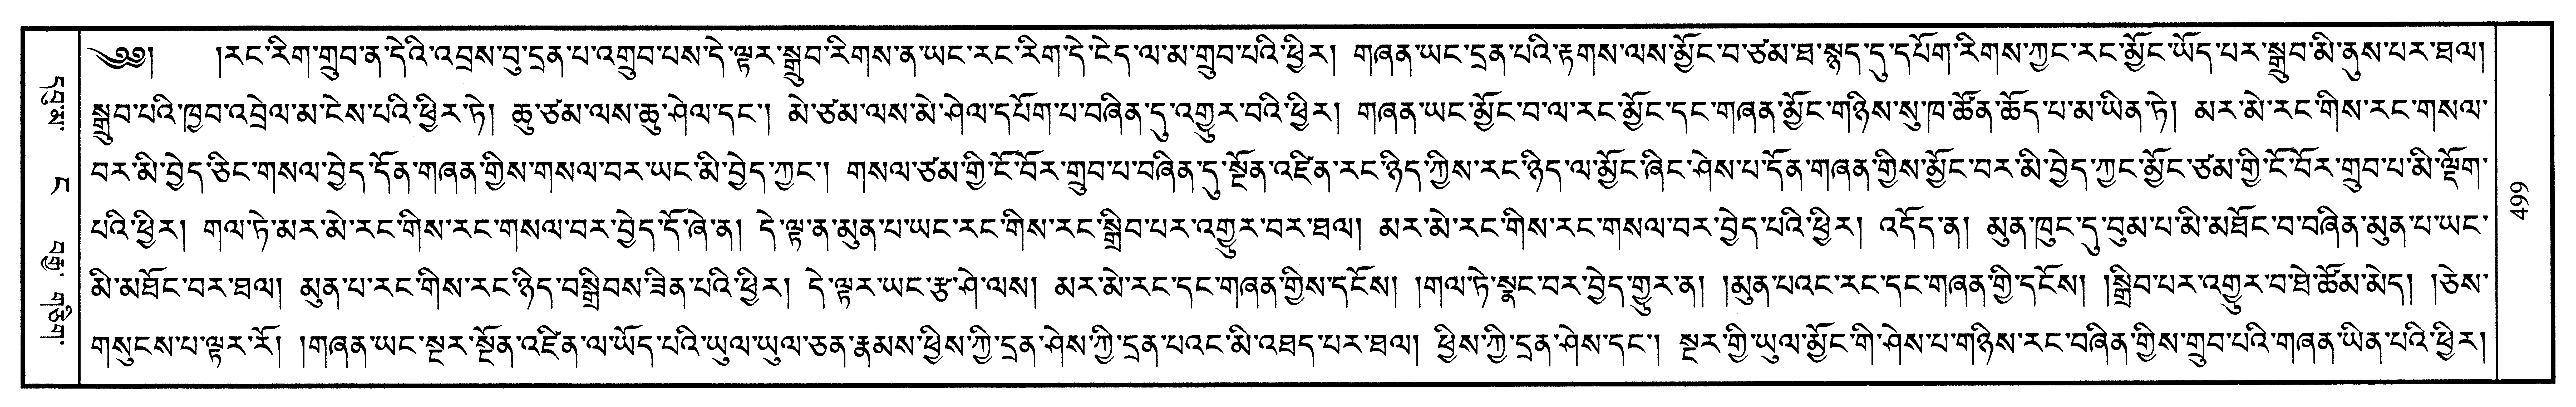༄༅། །རང་རིག་གྲུབ་ན་དེའི་འབྲས་བུ་དྲན་པ་འགྲུབ་པས་དེ་ལྟར་སྒྲུབ་རིགས་ན་ཡང་རང་རིག་དེ་ངེད་ལ་མ་གྲུབ་པའི་ཕྱིར། གཞན་ཡང་དྲན་པའི་རྟགས་ལས་མྱོང་བ་ཙམ་ཐ་སྙད་དུ་དཔོག་རིགས་ཀྱང་རང་མྱོང་ཡོད་པར་སྒྲུབ་མི་ནུས་པར་ཐལ།
སྒྲུབ་པའི་ཁྱབ་འབྲེལ་མ་ངེས་པའི་ཕྱིར་ཏེ། ཆུ་ཙམ་ལས་ཆུ་ཤེལ་དང་། མེ་ཙམ་ལས་མེ་ཤེལ་དཔོག་པ་བཞིན་དུ་འགྱུར་བའི་ཕྱིར། གཞན་ཡང་མྱོང་བ་ལ་རང་མྱོང་དང་གཞན་མྱོང་གཉིས་སུ་ཁ་ཚོན་ཆོད་པ་མ་ཡིན་ཏེ། མར་མེ་རང་གིས་རང་གསལ་
བར་མི་བྱེད་ཅིང་གསལ་བྱེད་དོན་གཞན་གྱིས་གསལ་བར་ཡང་མི་བྱེད་ཀྱང་། གསལ་ཙམ་གྱི་ངོ་བོར་གྲུབ་པ་བཞིན་དུ་སྔོན་འཛིན་རང་ཉིད་ཀྱིས་རང་ཉིད་ལ་མྱོང་ཞིང་ཤེས་པ་དོན་གཞན་གྱིས་མྱོང་བར་མི་བྱེད་ཀྱང་མྱོང་ཙམ་གྱི་ངོ་བོར་གྲུབ་པ་མི་ལྡོག་
པའི་ཕྱིར། གལ་ཏེ་མར་མེ་རང་གིས་རང་གསལ་བར་བྱེད་དོ་ཞེ་ན། དེ་ལྟ་ན་མུན་པ་ཡང་རང་གིས་རང་སྒྲིབ་པར་འགྱུར་བར་ཐལ། མར་མེ་རང་གིས་རང་གསལ་བར་བྱེད་པའི་ཕྱིར། འདོད་ན། མུན་ཁུང་དུ་བུམ་པ་མི་མཐོང་བ་བཞིན་མུན་པ་ཡང་
མི་མཐོང་བར་ཐལ། མུན་པ་རང་གིས་རང་ཉིད་བསྒྲིབས་ཟིན་པའི་ཕྱིར། དེ་ལྟར་ཡང་རྩ་ཤེ་ལས། མར་མེ་རང་དང་གཞན་གྱིས་དངོས། །གལ་ཏེ་སྣང་བར་བྱེད་གྱུར་ན། །མུན་པའང་རང་དང་གཞན་གྱི་དངོས། །སྒྲིབ་པར་འགྱུར་བ་ཐེ་ཚོམ་མེད། །ཅེས་
གསུངས་པ་ལྟར་རོ། །གཞན་ཡང་སྔར་སྔོན་འཛིན་ལ་ཡོད་པའི་ཡུལ་ཡུལ་ཅན་རྣམས་ཕྱིས་ཀྱི་དྲན་ཤེས་ཀྱི་དྲན་པའང་མི་འཐད་པར་ཐལ། ཕྱིས་ཀྱི་དྲན་ཤེས་དང་། སྔར་གྱི་ཡུལ་མྱོང་གི་ཤེས་པ་གཉིས་རང་བཞིན་གྱིས་གྲུབ་པའི་གཞན་ཡིན་པའི་ཕྱིར།